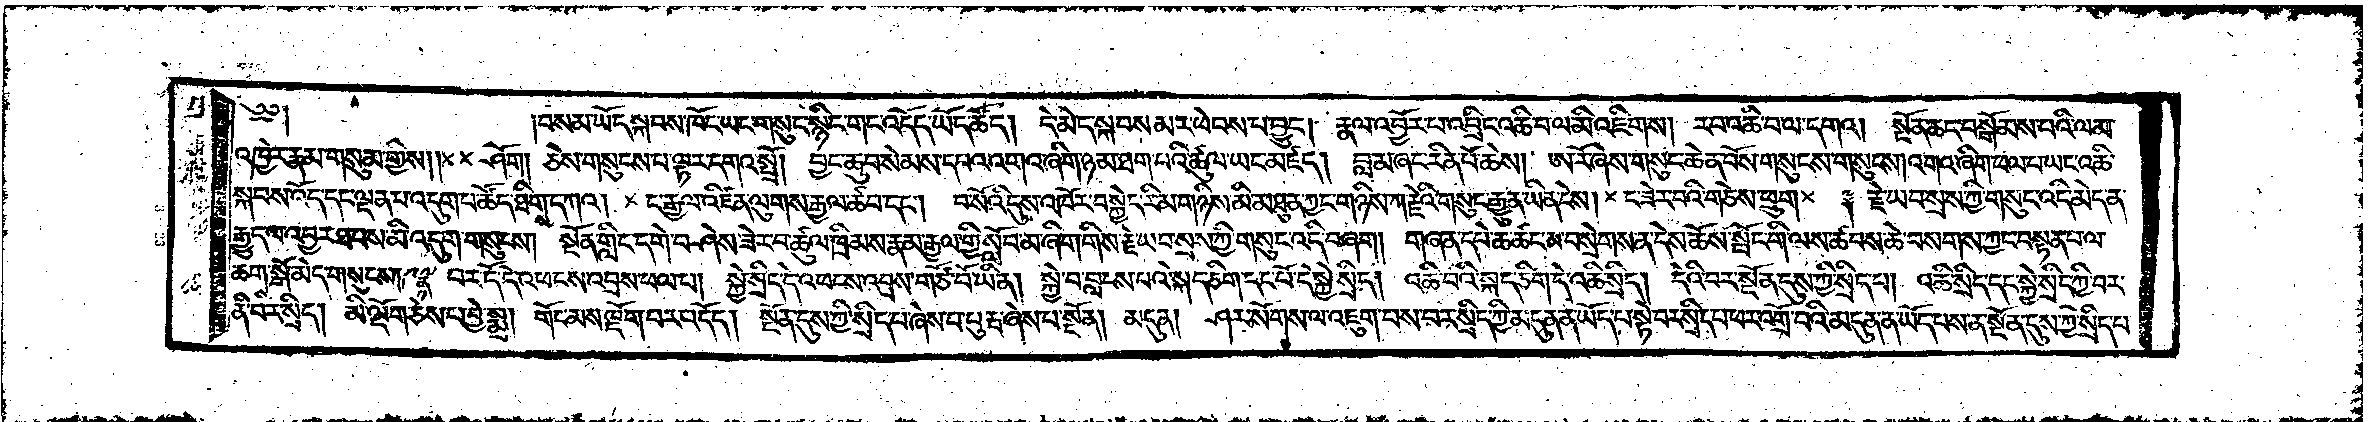༄༅། །བསམ་ཡོད་སྐབས་ཁོང་ཡང་གསུང་སྙིང་གང་འདོད་ཡོད་ཚོད། དེ་མེད་སྐབས་མར་ཕེབས་པ་བྱུང་། རྣལ་འབྱོར་པ་འབྲིང་འཆི་བ་ལ་མི་འཇིགས། རབ་འཆི་བ་ལ་དགའ། སྔོན་ཆད་བསྒོམས་པའི་ལམ་
འཁྱེར་རྣམ་གསུམ་གྱིས། །྾་྾་ཤོག། ཅེས་གསུངས་པ་ལྟར་དགའ་སྤྲོ། བྱང་ཆུབ་སེམས་དཔའ་འགའ་ཞིག་ཉམ་ཐག་པའི་ཚུལ་ཡང་མཛད། བླ་མ་ཞང་རིན་པོ་ཆེས། ཨ་རོ་ཞེས་གསུང་ཆེན་པོས་གསུངས་གསུངས། འགའ་ཞིག་ཕལ་པ་ཡང་འཆི་
སྐབས་འོད་དང་ལྡན་པ་འདུག་པ་ཚོད་ཐིགས་དཀའ། ྾་ང་རྒྱལ་འཛིན་ལུགས་རྒྱལ་ཚབ་དང་། བ་སོའི་དུས་འཁོར་བསྐྱེད་རིམ་གཉིས་མི་མཐུན་ཀྱང་གཉིས་ཀ་རྗེའི་གསུང་རྒྱུན་ཡིན་ངེས། ྾་ང་ཟེར་བའི་གཅེས་ཕྲུག་྾་༈ རྗེ་ཡབ་སྲས་ཀྱི་གསུང་འདི་མེད་ན་
རྒྱུད་ལ་འབྱར་ཐབས་མི་འདུག་གསུངས། སྔོན་གླིང་དགེ་བཤེས་ཟེར་བ་ཚུལ་ཁྲིམས་རྣམ་རྒྱལ་གྱི་སློབ་མ་ཞིག་གིས་རྗེ་ཡབ་སྲས་ཀྱི་གསུང་འདི་བཞག། གཞན་དཔེ་ཆ་ཚང་མ་བསྲེགས་ན་དེས་ཆོས་སྤོང་གི་ལས་ཚབས་ཆེ་བསགས་ཀྱང་བསྟན་པ་ལ་
ཆག་སྒོ་མེད་གསུངས། ༩༢ན༡་བར་དོ་དེ་འཕངས་འབྲས་ཕལ་པ། སྐྱེ་སྲིད་དེ་འཕངས་འབྲས་གཙོ་བོ་ཡིན། སྐྱེ་བ་བླངས་པའི་སྐད་ཅིག་དང་པོ་དེ་སྐྱེ་སྲིད། འཆི་བའི་སྐད་ཅིག་དེ་འཆི་སྲིད། དེའི་བང་སྔོན་དུས་ཀྱི་སྲིད་པ། འཆི་སྲིད་དང་སྐྱེ་སྲིད་ཀྱི་བར་
ནི་བར་སྲིད། མི་ལྡོག་ཅེས་པ་བྱེ་སྨྲ། གོང་མས་ལྡོག་པར་འདོད། སྔོན་དུས་ཀྱི་སྲིད་པ་ཞེས་པ་པུརྦ་ཞེས་པ་སྔོན། མདུན། ཤར་སོགས་ལ་འཇུག་པས་བར་སྲིད་ཀྱི་མདུན་ན་ཡོད་པ་སྟེ་བར་སྲིད་པ་ཕར་འགྲོ་བའི་མདུན་ན་ཡོད་པས་ན་སྔོན་དུས་ཀྱི་སྲིད་པ་